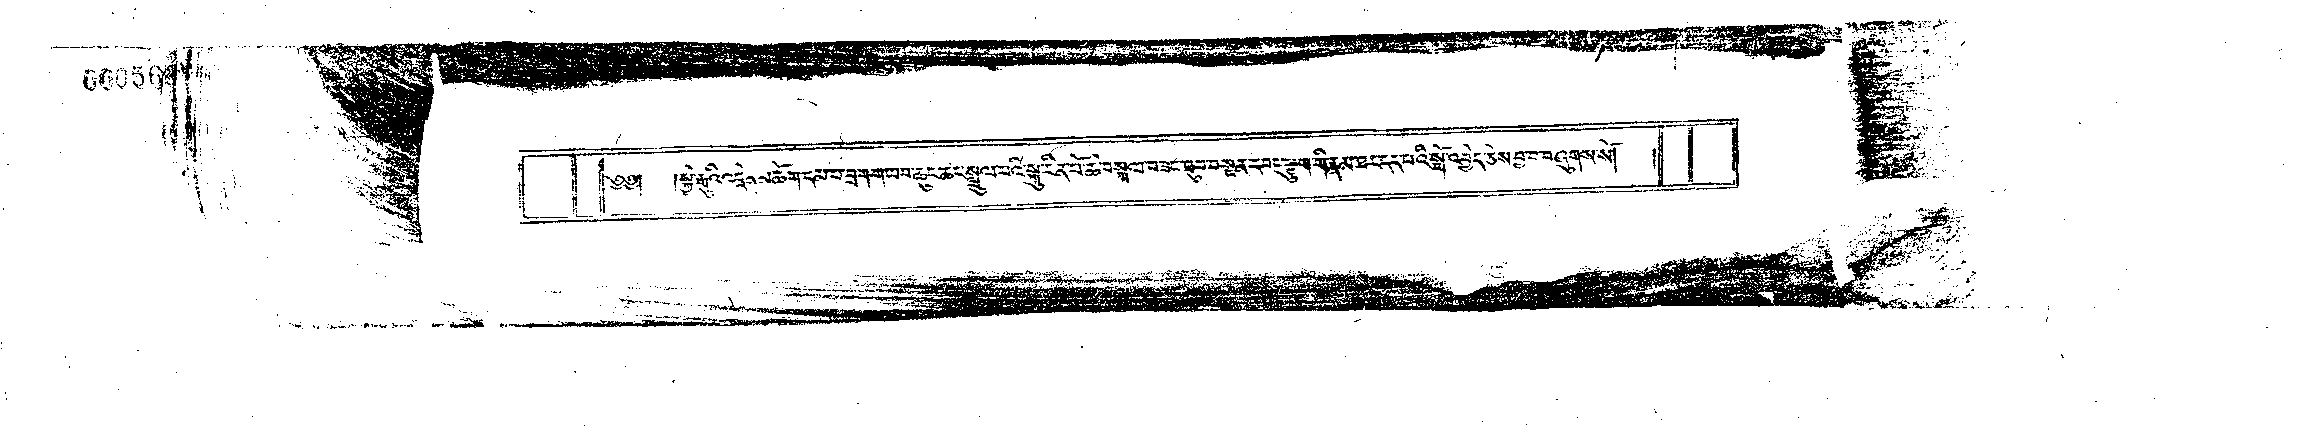༄༅། །སྐྱེ་རྒུའི་འདྲེན་མཆོག་དམ་པ་བྲག་གཡབ་ཆུང་ཚང་སྤྲུལ་བའི་སྐུ་རིན་པོ་ཆེ་བསྐལ་བཟང་ཐུབ་བསྟན་དབང་ཕྱུག་གི་རྣམ་ཐར་དད་པའི་སྒོ་འབྱེད་ཅེས་བྱ་བ་བཞུགས་སོ། །